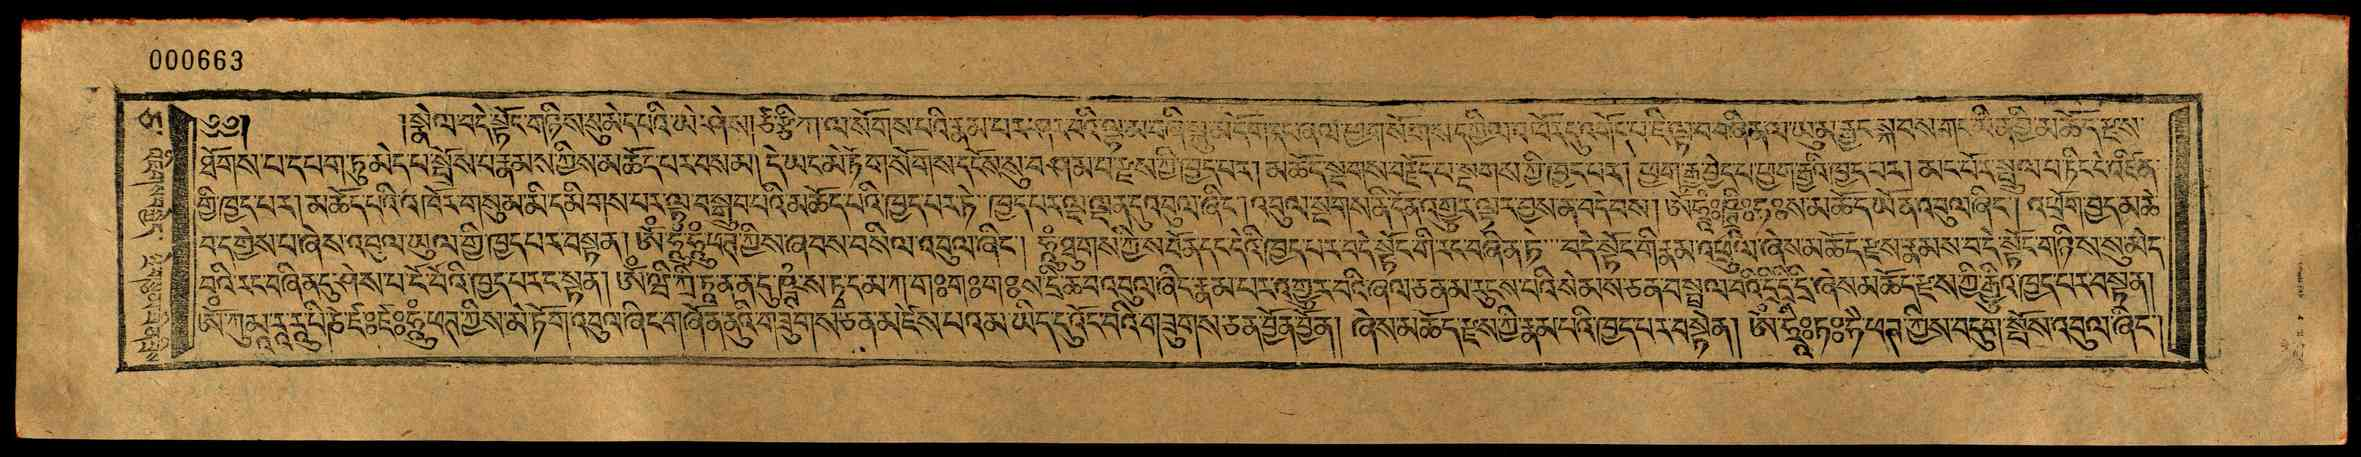༄༅། །སྣེ་ལ་བདེ་སྟོང་གཉིས་སུ་མེད་པའི་ཡེ་ཤེས། ཙ་རྩི་ཀ་ལ་སོགས་པའི་རྣམ་པར་ཤར་བའི་ལྷ་མོ་བཞི་སྐུ་མདོག་དང་ཞལ་ཕྱག་སོགས་དཀྱིལ་འཁོར་དུ་འགོད་པ་ཇི་ལྟ་བ་བཞིན་ལ་ཡུམ་རྐྱང་སྐབས་གང་ཡིན་གྱི་མཆོད་རྫས་
ཐོགས་པ་དཔག་ཏུ་མེད་པ་སྤྲོས་པ་རྣམས་ཀྱིས་མཆོད་པར་བསམ། དེ་ཡང་མེ་ཏོག་སོགས་དངོས་སུ་བཤམ་པ་རྫས་ཀྱི་ཁྱད་པར། མཆོད་སྔགས་བརྗོད་པ་སྔགས་ཀྱི་ཁྱད་པར། ཕྱག་རྒྱ་བྱེད་པ་ཕྱག་རྒྱའི་ཁྱད་པར། མང་པོར་སྤྲུལ་བ་ཏིང་ངེ་འཛིན་
གྱི་ཁྱད་པར། མཆོད་པའི་འཁོར་གསུམ་མི་དམིགས་པར་ལྟ་བ་སྒྲུབ་པའི་མཆོད་བའི་ཁྱད་པར་ཏེ་ཁྱད་པར་ལྔ་ལྡན་དུ་འབུལ་ཞིང་། འབུལ་སྔགས་ནི་དོན་འགྱུར་ལྟར་བྱས་ན་བདེ་བས། ཨོཾཧྲཱིཿ ཥྟྲིཿཧཿ ས་མཆོད་ཡོན་འབུལ་ཞིང་། འཕྲོག་བྱེད་མཆེ་
བ་དགྱེས་པ་ཞེས་འབུལ་ཡུལ་གྱི་ཁྱད་པར་བསྟན། ཨོཾ་ཧཱུཾ་ཧཱུཾ་ཕཊ་ཀྱིས་ཞབས་བསིལ་འབུལ་ཞིང་། ཧཱུཾ་ཐུགས་ཀྱི་ས་བོན་དང་དེའི་ཁྱད་པར་བདེ་སྟོང་གི་རང་བཞིན་ཏེ་བདེ་སྟོང་གི་རྣམ་འཕྲུལ་ཞེས་མཆོད་རྫས་རྣམས་བདེ་སྟོང་གཉིས་སུ་མེད་
པའི་རང་བཞིན་དུ་ཤེས་པ་ངོ་བོའི་ཁྱད་པར་བསྟན། ཨོཾ་ཝི་ཀྲི་ཏཱ་ན་ན་དུཥྚི་སིཏྭ་ར་མ་ག་གཿ གཿ ཀཿ ས་དྲི་ཆབ་འབུལ་ཞིང་རྣམ་པར་འགྱུར་བའི་ཞལ་ཅན་མ་རུངས་པའི་སེམས་ཅན་བསྒྲལ་བའི་དྲི་དྲི་དྲི་ཞེས་མཆོད་རྫས་ཀྱི་རྒྱུའི་ཁྱད་པར་བསྟན།
ཨོཾ་ཀུ་མཱ་རཱ་རཱུ་པི་ཎེ་ཛཿཛཿ ཧཱུཾ་ཕཊ་ཀྱིས་མེ་ཏོག་འབུལ་ཞིང་གཞོན་ནུའི་གཟུགས་ཅན་མཛེས་པའམ་ཡིད་དུ་འོང་བའི་གཟུགས་ཅན་བྱོན་བྱོན། ཞེས་མཆོད་རྫས་ཀྱི་རྣམ་པའི་ཁྱད་པར་བསྟན། ཨོཾ་ཧྲཱིཿ ཧཿཧེ་ཕཊ་ཀྱིས་བདུག་སྤོས་འབུལ་ཞིང་།